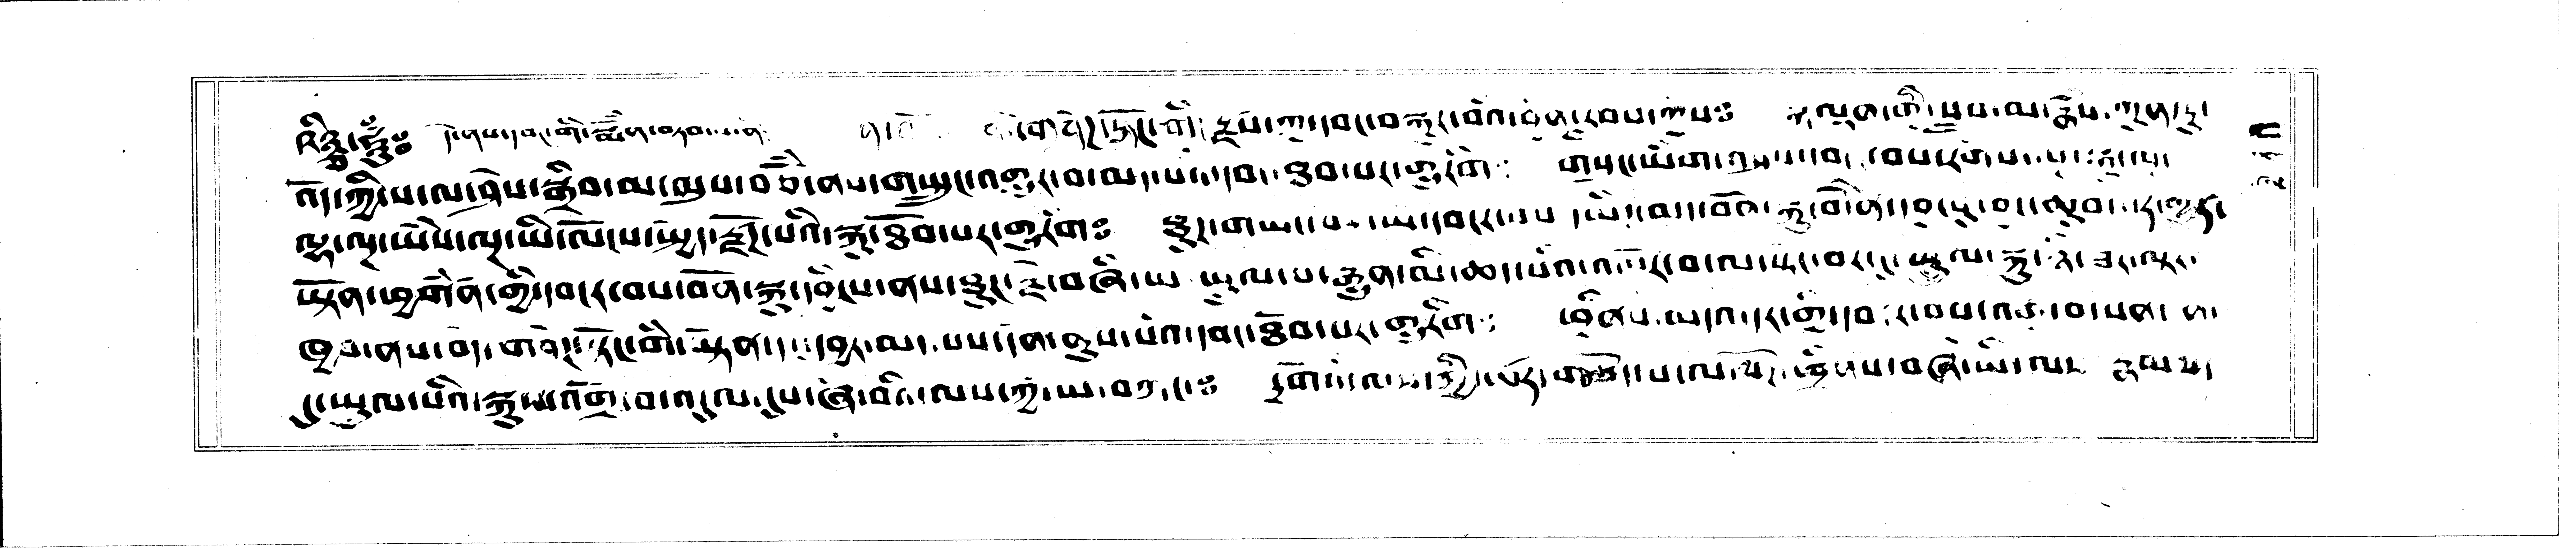ཁིཉྩ་ཧཱུཾཿ དེ་ནས་དབང་གི་སྨོན་ལམ་བཏབ་པ་ནིཿ ན་མོཿ བདེར་གཤེགས་སྟོང་གི་རྫས་ཀྱི་དབང་བསྐུར་བའི་བྱིན་རླབས་ཀྱིསཿ སྐལ་ལྡན་གྱི་སློབ་མ་རྣམས་ཀུན་ཏུ་
འོད་ཀྱི་ས་ལ་ཤེས་སྒྲིབ་མ་ལུས་བཅོམ་ནས་གཡུང་དྲུང་འགྱུར་བ་མེད་པའི་དབང་ཐོབ་པར་གྱུར་ཅིགཿ གསུང་ཡིག་འབྲུས་དབང་བསྐུར་བས་རིགས་ལྔ་སྐུ་ལྔ་
ལྷ་ལྔ་ཡེ་ཤེས་ལྔ་ཡི་ལོངས་སྤྱོད་རྫོགས་པའི་སྐུ་ཐོབ་པར་གྱུར་ཅིགཿ ཐུགས་གཡུང་དྲུང་གི་དབང་བསྐུར་བས་དམིགས་མེད་བོན་སྐུ་བདེ་ཆེན་གྱི་དབྱིངས་སུ་བྱང་ཆུབ་པར་གྱུར་
ཅིགཿ ཡོན་ཏན་ཕྱག་མཚན་གྱི་དབང་བསྐུར་བས་བོན་སྐུ་དབྱིངས་ནས་ཐུགས་རྗེ་བཞི་ཡི་སྤྲུལ་པ་རྒྱུན་མི་འཆད་པའི་འཁོར་བ་མ་སྟོང་བར་དུ་སྤྲུལ་སྐུ་ཉི་ཟེར་ལྟར་
ཁྱབ་ནས་བདེར་གཤེགས་སྟོང་གི་ཡོན་ཏན་དང་དབྱེར་མེད་པའི་དོན་ནུས་པའི་དབང་ཐོབ་པར་གྱུར་ཅིགཿ ཕྲིན་ལས་མདའ་དར་གྱི་དབང་བསྐུར་བས་འགྲོ་བ་སེམས་ཅན་གྱི་དོན་
དུ་སྤྲུལ་པའི་སྐུས་འགྲོ་བ་འདུལ་དུས་ཞི་བའི་ལས་ཀྱི་སྤ་བསྐོངཿ དྲག་པོའི་ལས་ཀྱི་ཚར་གཅོད་པ་ལ་སོགས་ཕྲིན་ལས་བཞི་ཡི་ལས་རྣམསཿ